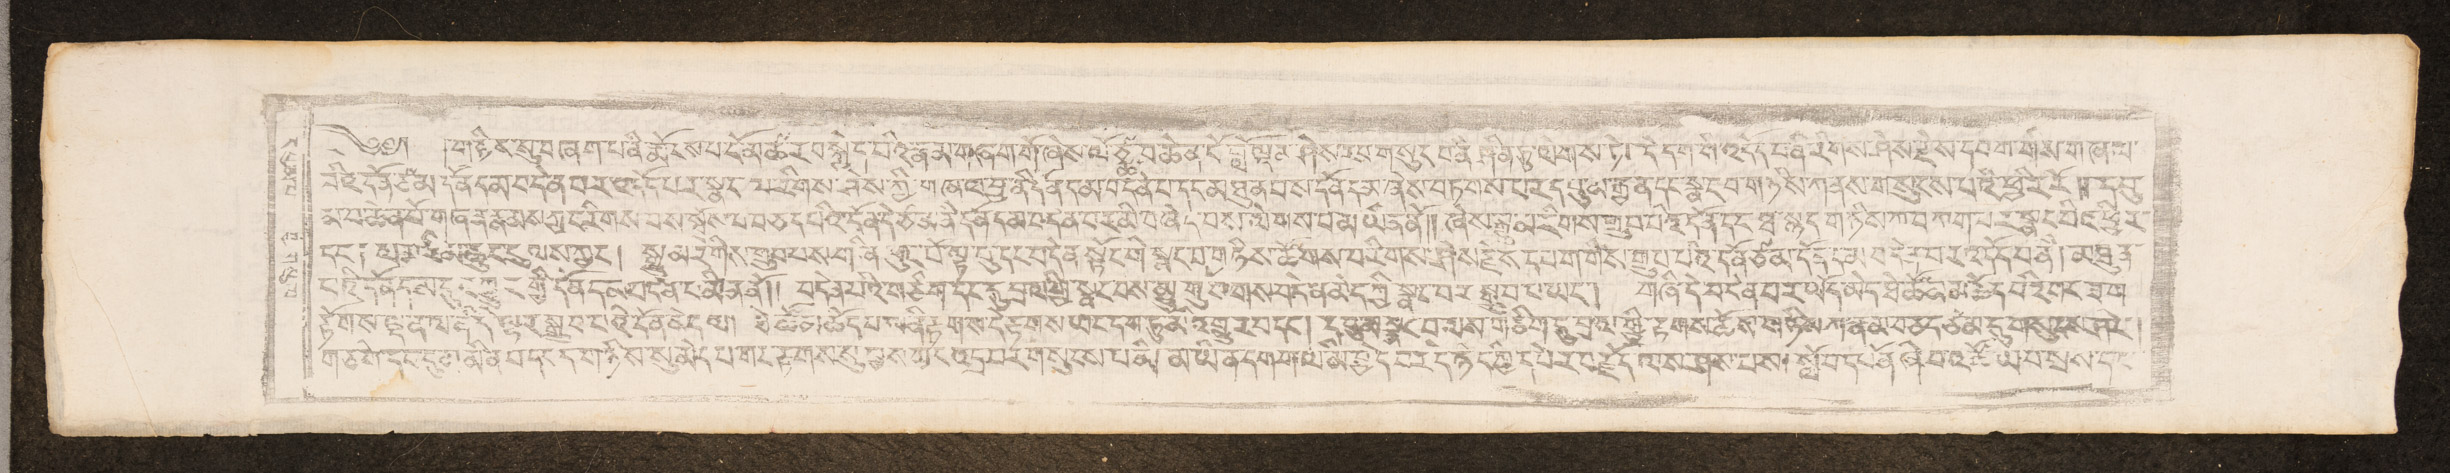༄༅། །གཉིས་སུ་བཞག་པ་ནི་རྨོངས་པ་ངོ་མཚར་བསྐྱེད་པའི་རྣམ་གཞག་གོ་ཞེས་ལོ་ཙྪ་བ་ཆེན་པོ་བློ་ལྡན་ཤེས་རབ་གསུང་བ་ནི་ཤིན་ཏུ་ལེགས་ཏེ། དེ་དག་གི་འདོད་པ་ནི་རིགས་ཤེས་རྗེས་དཔག་གིས་གཞལ་
བྱའི་དོན་ཙམ་དོན་དམ་བདེན་བར་འདོད་པར་སྣང་ལ་རིགས་ཤེས་ཀྱི་གཞལ་བྱ་ནི་དོན་དམ་བདེན་པ་དང་མཐུན་པས་དོན་དམ་ཞེས་བཏགས་པར་དབུ་མ་རྒྱན་དང་སྣང་བ་གཉིས་ཀ་བཀག་ནས་གསུངས་པའི་ཕྱིར་རོ། །དབུ་
མ་བ་ཆེན་པོ་གཞན་རྣམས་ཀྱང་རིགས་པས་སྤྲོས་པ་བཅད་པའི་དོན་དེ་ཙམ་ནི་དོན་དམ་བདེན་པར་མི་བཞེད་པས་ལེགས་བམ་ཡིན་ནོ། །ཞེས་རྒྱུ་མ་རིགས་གྲུབ་པའི་དོན་དང་ཐ་སྙད་གཉིས་ཀ་བཀག་པར་སྣང་པའི་ཕྱིར་
དང་། ལམ་རིམ་ཆུང་དུ་ལས་ཀྱང་། སྒྱུ་མ་རིགས་གྲུབ་པས་གཞི་ཕུང་པོ་ལྟ་བུ་དང་བདེན་སྟོང་གི་སྣང་བ་གཉིས་ཚོགས་པའི་གས་ཤེས་རྗེས་དཔག་གིས་གྲུབ་པའི་དོན་ཙམ་དོན་དམ་བདེན་པར་འདོད་པ་ནི། མཐུན་
པའི་དོན་དམ་དུ་འགྱུར་གྱི་དོན་དམ་བདེན་པ་མིན་ནོ། །བདེན་པའི་གཅིག་དང་དུ་བྲལ་གྱི་སྣང་བས་མྱུ་གུ་སོགས་བདེན་མེད་ཀྱི་སྣང་བར་སྒྲུབ་པ་ཡང་། གཞི་དེ་བདེན་པར་ཡོད་མེད་ཐེ་ཚོམ་མ་ཆེད་པའི་གང་ཟག་
རྟོགས་ལྡན་ལ་ནི་དེ་ལྟར་སྒྲུབ་པའི་དོན་མེད་ལ། ཐེ་ཚོམ་ཆོད་པ་ལ་ནི་རྟགས་དེ་རྟགས་ཡང་དག་ཏུ་མི་འགྱུར་བ་དང་། དབུ་མ་སྣང་བ་ལས་གཅིག་དུ་བྲལ་གྱི་རྟགས་ཆོས་གཉིས་ཀ་རྣམ་བཅད་ཙམ་དུ་གསུངས་ཤིང་།
གཅིག་དང་དུ་མ་མིན་པ་དང་དེ་གཉིས་སུ་མེད་པ་གང་རྟགས་སུ་བྱས་ཀྱང་འདྲ་བར་གསུངས་པ་ནི། མ་ཡིན་དགག་ལ་མི་བྱེད་པར་དེ་ཉིད་དཔེར་བརྗོད་ལས་ཤེས་པས། སློབ་དཔོན་ཞི་བ་འཚོ་ལབ་སྲས་དང་།